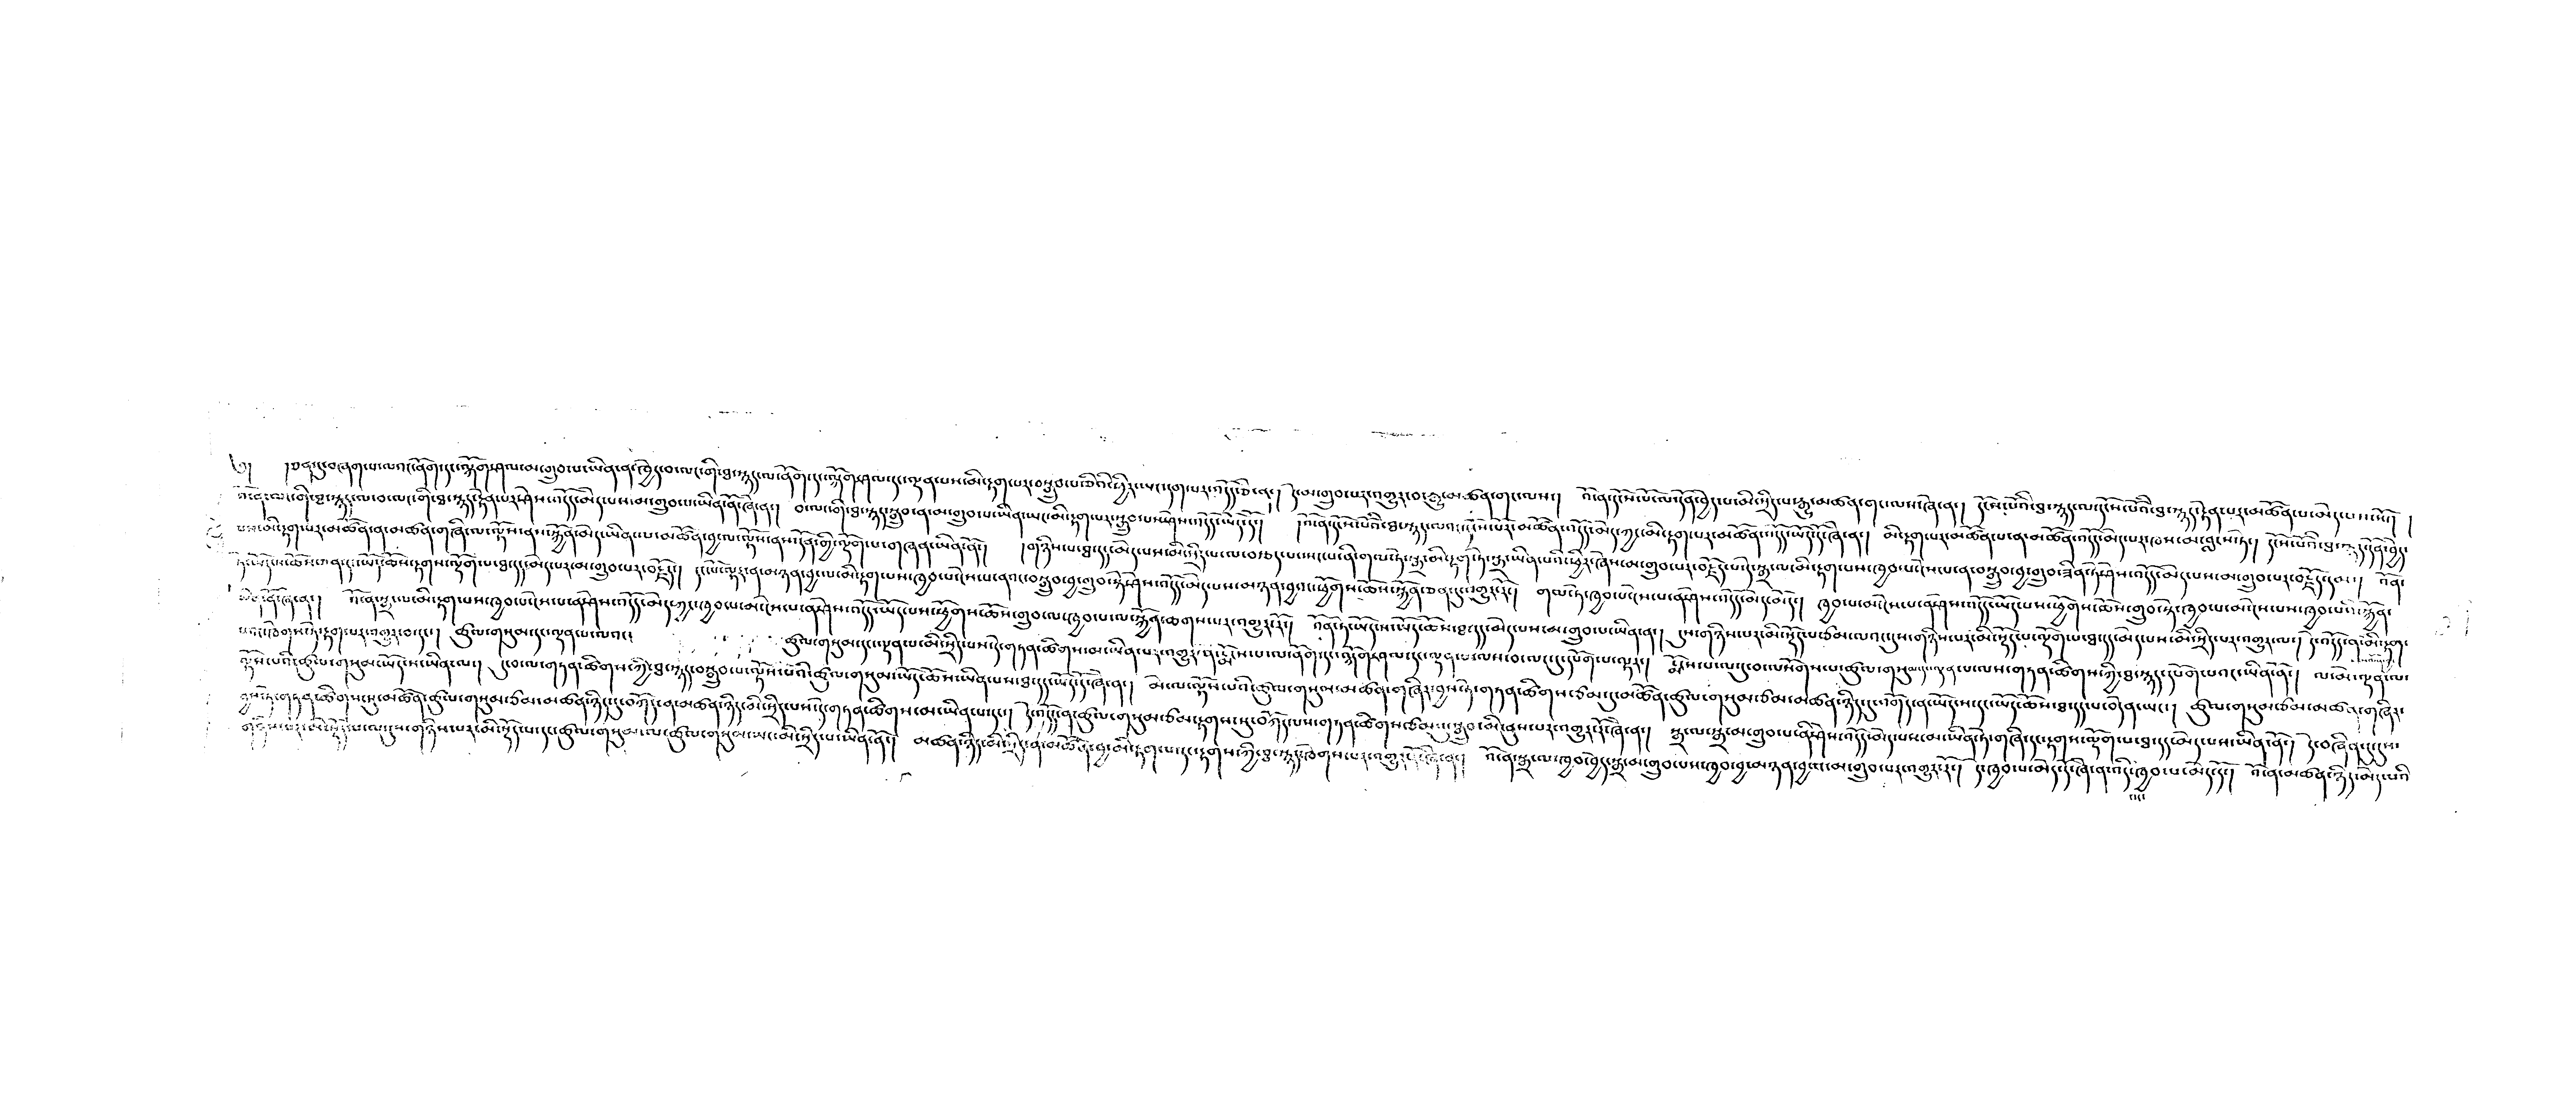༄༅། །ཅན་དུ་བཞག་པ་ལའང་ནོག་དང་ལྐོག་ཤལ་མ་གྲུབ་པ་ཡིན་ན་ཁྱེད་བ་ལང་གི་ཐ་སྙད་ལ་ནོག་དང་ལྐོག་ཤལ་དང་ལྡན་པས་མི་རྟག་པར་བསྒྲུབ་པ་ཅིའི་ཕྱིར་ཡང་དག་པར་འདོད་ཅེ་ན། དེ་མ་གྲུབ་པར་འགྱུར་བ་རྒྱུ་མཚན་གང་ལས། འོ་ན་དངོས་པོ་ལ་དོན་བྱེད་པ་མི་སྲིད་པ་རྒྱུ་མཚན་གང་ལས་ཞེ་ན། དངོས་པོའི་ཐ་སྙད་ལ་དངོས་པོའི་ཐ་སྙད་རྟེན་པར་མཚོན་པ་མེད་པས་སོ།།
འོ་ན་ལང་གི་ཐ་སྙད་ལ་བ་ལང་གི་ཐ་སྙད་རྟེན་པར་ཤེས་འདོད་མེད་པས་མ་གྲུབ་པ་ཡིན་ནོ་ཞེ་ན། བ་ལང་གི་ཐ་སྙད་སྒྲུབ་ན་མ་གྲུབ་པ་ཡིན་ཡང་མི་རྟག་པར་སྒྲུབ་པས་ཤེས་འདོད་ཡོད་དོ། །འོ་ན་དངོས་པོའི་ཐ་སྙད་ལའང་དངོས་པོར་མཚོན་འདོད་མེད་ཀྱང་མི་རྟག་པར་མཚོན་འདོད་ཡོད་དོ་ཞེ་ན། མི་རྟག་པར་མཚོན་པ་ན་མཚོན་འདོད་མེད་པར་ཁས་མ་བླངས་ཏེ། དངོས་པོའི་ཐ་སྙད་དོན་བྱེད་
པས་མི་རྟག་པར་མཚོན་ན་མཚན་གཞི་ལ་ལྟོས་ནས་སྐྱོན་མེད་ཡིན་ལ་མཚོན་བྱ་ལ་ལྟོས་ནས་དོན་གྱི་ལྡོག་པ་གཞན་ཡིན་ནོ། །གཉིས་པ་ཐ་དད་མེད་པས་མི་སྲིད་པ་ལ་བརྩད་པ་སྤང་པ་ནི་གལ་ཏེ་སྒྲ་མི་རྟག་ཏེ་སྒྲ་ཡིན་པའི་ཕྱིར་ཞེས་མ་གྲུབ་པར་བརྗོད་པ་དེ་སྒྲ་ལ་མི་རྟག་པས་ཁྱབ་པ་ངེས་པ་ན་བསྒྲུབ་བྱ་གྲུབ་ཟིན་ཏེ་ཤེས་འདོད་མེད་པས་མ་གྲུབ་པར་བརྗོད་དམ། འོན་
ཏེ་ཡོད་ས་ཆོས་ཅན་དང་ཡོད་ཆོས་རྟགས་ལྡོག་པ་ཐ་དད་མེད་པར་མ་གྲུབ་པར་བརྗོད། དང་པོ་ལྟར་ན་མཉན་བྱ་ལ་མི་རྟག་པས་ཁྱབ་པ་ངེས་པ་ནའང་བསྒྲུབ་བྱ་གྲུབ་སྟེ་ཤེས་འདོད་མེད་པས་མཉན་བྱའང་ཕྱོགས་ཆོས་སྐྱོན་ཅན་དུ་འགྱུར་རོ། གལ་ཏེ་ཁྱབ་པ་ངེས་པ་ན་ཤེས་འདོད་མེད་མོད། ཁྱབ་པ་མ་ངེས་པ་ན་ཤེས་པ་འདོད་ཡོད་པས་ཕྱོགས་ཆོས་གྲུབ་སྟེ་ཁྱབ་པ་མ་ངེས་པས་ཁྱབ་པའི་སྐྱོན་
ཡིན་ནོ་ཞེ་ན། འོ་ན་སྒྲ་ལ་མི་རྟག་པས་ཁྱབ་པ་ངེས་པ་ན་ཤེས་འདོད་མེད་ཀྱང་ཁྱབ་པ་མ་ངེས་པ་ན་ཤེས་འདོད་ཡོད་པས་ཕྱོགས་ཆོས་གྲུབ་ལ་ཁྱབ་པ་ལ་སྐྱོན་ཆགས་པར་འགྱུར་རོ། འོ་ན་ཏེ་ཡོད་ས་ཡོད་ཆོས་ཐ་དད་མེད་པས་མ་གྲུབ་པ་ཡིན་ན། དུས་གཉིས་པར་མི་སྡོད་པ་ཙམ་ལའང་དུས་གཉིས་པར་མི་སྡོད་པ་ལྡོག་པ་ཐ་དད་མེད་པས་མི་སྲིད་པར་འགྱུར་ལ། དེ་འདོད་ན་མི་རྟག་
པའང་ཁེགས་ཏེ་རྟག་པར་འགྱུར་བ་དང་། ཚུལ་གསུམ་དང་ལྡན་པ་ལའང་། ཚུལ་གསུམ་དང་ལྡན་པ་མི་སྲིད་པས་དེ་གཏན་ཚིགས་མ་ཡིན་པར་འགྱུར་ན་རྨོངས་པ་ལ་ནོག་དང་ལྐོག་ཤལ་དང་ལྡན་པ་ལས་བ་ལང་དུ་དཔོག་པ་ལྟར། རྨོངས་པ་ལ་དུ་བ་ལ་སོགས་པ་ཚུལ་གསུམ་དང་ལྡན་པ་ལས་གཏན་ཚིགས་ཀྱི་ཐ་སྙད་དཔོག་པའང་ཡིན་ནོ། ལ་མེ་ལྡན་ལ་
ལྟོས་པའི་ཚུལ་གསུམ་ཡོད་ས་ཡིན་ལ། དུ་བ་ལ་གཏན་ཚིགས་ཀྱི་ཐ་སྙད་བསྒྲུབ་པ་ལྟོས་པའི་ཚུལ་གསུམ་ཡོད་ཆོས་ཡིན་པས་ཐ་དད་ཡོད་དོ་ཞེ་ན། མེ་ལ་ལྟོས་པའི་ཚུལ་གསུམ་མཚན་གཞིར་བྱས་ཏེ་གཏན་ཚིགས་ཙམ་དུ་མཚོན་ཚུལ་གསུམ་ཙམ་མཚན་ཉིད་དུ་འགོད་ན་ཡོད་ས་དང་ཡོད་ཆོས་ཐ་དད་པ་བདེན་ཡང་། ཚུལ་གསུམ་ཙམ་མཚན་གཞིར་
བྱས་ཏེ་གཏན་ཚིགས་སུ་མཚོན་ཚུལ་གསུམ་ཙམ་མཚན་ཉིད་དུ་བཀོད་ན་མཚན་ཉིད་མི་སྲིད་པས་དེ་གཏན་ཚིགས་མ་ཡིན་པ་དང་། དེ་འདོད་ན་ཚུལ་གསུམ་ཙམ་རྟགས་སུ་བཀོད་པས་གཏན་ཚིགས་ཙམ་དུ་སྒྲུབ་མི་ནུས་པར་འགྱུར་རོ་ཞེ་ན། སྒྲ་ལ་སྒྲ་མ་གྲུབ་པ་ནི་ཤེས་འདོད་མེད་པས་མ་ཡིན་ཏེ་གཞི་དང་རྟགས་ལྡོག་པ་ཐ་དད་མེད་པས་ཡིན་ནོ། དེ་བཞིན་དུ་དུས་
གཉིས་པར་མི་སྟོད་པ་ལ་དུས་གཉིས་པར་མི་སྟོད་པ་དང་ཚུལ་གསུམ་ལ་ཚུལ་གསུམ་ཡང་མི་སྲིད་པ་ཡིན་ནོ། མཚན་ཉིད་མི་སྲིད་ན་མཚོན་བྱ་མི་རྟག་པ་དང་རྟགས་ཀྱི་ཐ་སྙད་ཁེགས་པར་འགྱུར་རོ་ཞེ་ན། འོ་ན་སྒྲ་ལ་ཁྱབ་བྱེད་སྒྲ་མ་གྲུབ་པས་ཁྱབ་བྱ་མཉན་བྱས་མ་གྲུབ་པར་འགྱུར་རོ། དེ་ཁྱབ་པ་མེད་དོ་ཞེ་ན་འདི་ལ་ཁྱབ་པ་མེད་དོ། འོ་ན་མཚན་ཉིད་མེད་པའི་